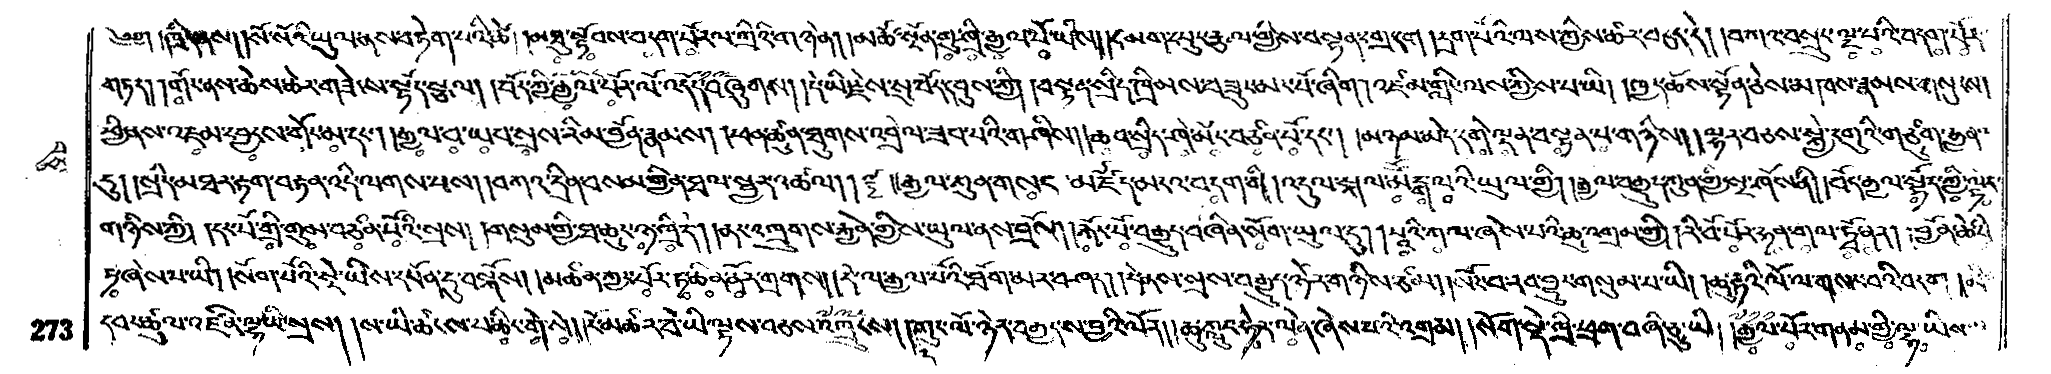༄༅། །ཁྲིད་ནས། །སོ་སོའི་ཡུལ་ནས་བཏེག་པའི་ཚེ། །མཐུ་སྟོབས་བདག་པོ་རལ་གྲིའི་གཉེན། །མཚོ་སྔོན་གུ་ཤྲི་རྒྱལ་བོ་ཡིས། །དམག་དཔུང་རྩལ་གྱིས་བསྟན་དགྲ་དག །དྲག་པོའི་ལས་ཀྱིས་ཚར་བཅད་དེ། །བཀའ་བསྲུང་ལྔ་པའི་བདག་པོར་
གཏད། །གོང་ནས་ཆེས་ཆེར་གཟེངས་སྟོད་སྩལ། །བོད་ཀྱི་རྒྱལ་པོར་ལོ་འདོད་བཞུགས། །དེ་ཡི་རྗེས་སུ་བོད་དབུས་ཀྱི། །བསྟན་སྲིད་ཁྲིམས་བཟུང་མང་བོ་ཞིག། འཛམ་གླིང་ལས་ཀྱིས་པ་ཡི། །ཁྱད་ཆོས་སྟོན་ཅེས་མཁས་རྣམས་གསུངས།
ཕྱི་ནས་འཇམ་དབྱངས་གོང་མ་དང་། །རྒྱལ་བ་ཡབ་སྲས་རིམ་བྱོན་རྣམས། །ཕན་ཚུན་ཐུགས་འབྲེལ་ཟབ་པའི་གཤིས། །ཆབ་སྲིད་ཤེ་མོང་བཙན་པོ་དང་། །མཉམ་མེད་དགེ་ལྡན་བསྟན་པ་གཉིས། །ལྷར་བཅས་སྐྱེ་དགུའི་གཙུག་རྒྱན་
དུ། །སྲིད་མཐར་རྟག་བརྟན་འདི་ལགས་པས། །བཀའ་དྲིན་བསམ་གྱིན་ཐལ་སྦྱར་འཚལ།། ༈ །།རྒྱལ་ཀུན་གསང་མཛོད་མངའ་བདག་གི །འདུལ་སྐལ་མཽངྒ་ལའི་ཡུལ་གྱི། །རྒྱལ་བརྒྱུད་ཀུན་གྱི་སྔ་ཤོས་ནི། །བོད་རྒྱལ་སྟོད་ཀྱི་ལྟར་
གཉིས་ཀྱི། །དང་བོ་གྲི་གུམ་བཙན་པོའི་སྲས། །གསུམ་གྱི་ཐ་ཆུང་ཉ་ཁྲི་དེ། །ནང་འཁྲུགས་རྐྱེན་གྱིས་ཡུལ་ནས་བྲོས། །རྐོང་བོ་བརྒྱུད་བཞིན་སོག་ཡུལ་དུ། །པཱའི་ཀལ་ཞེས་པའི་ཆུ་འགྲམ་གྱི། །རི་བོ་པོར་ཧན་གལ་ཏྭོ་ནར། །བྱོན་ཚེ་པ་
ཏ་ཞེས་པ་ཡི། །སོག་པོའི་སྡེ་ཡིས་དཔོན་དུ་བསྐོས། །མཚན་ཀྱང་བོར་ཏ་ཆེན་ནོར་གྲགས། །དེ་ལ་རྒྱལ་བོའི་ཐོག་མར་བཤད། །དེ་ནས་སྲས་བརྒྱུད་ཉེར་གཉིས་ཙམ། །སོང་བ་རབ་བྱུང་གསུམ་པ་ཡི། །ཆུ་རྟའི་ལོ་ལ་གསང་བའི་བདག །མི་
དབང་ཚུལ་འཛིན་ལྷ་ཡི་སྲས། །ས་ཡི་ཚངས་པ་ཆིང་གེ་སེ། །ངོ་མཚར་བེ་ཡི་ལྟས་བཅས་འཁྲུངས། །གུང་ལོ་ཉེར་བརྒྱད་ས་བྱའི་ལོར། །ཆུ་ཀླུང་ཧེར་ལེན་ཞེས་པའི་འགྲམ། །སོག་སྡེ་ཁྲི་ཕྲག་བཞི་ཅུ་ཡི། །རྒྱལ་པོར་གནམ་གྱི་ལྷ་ཡིས་